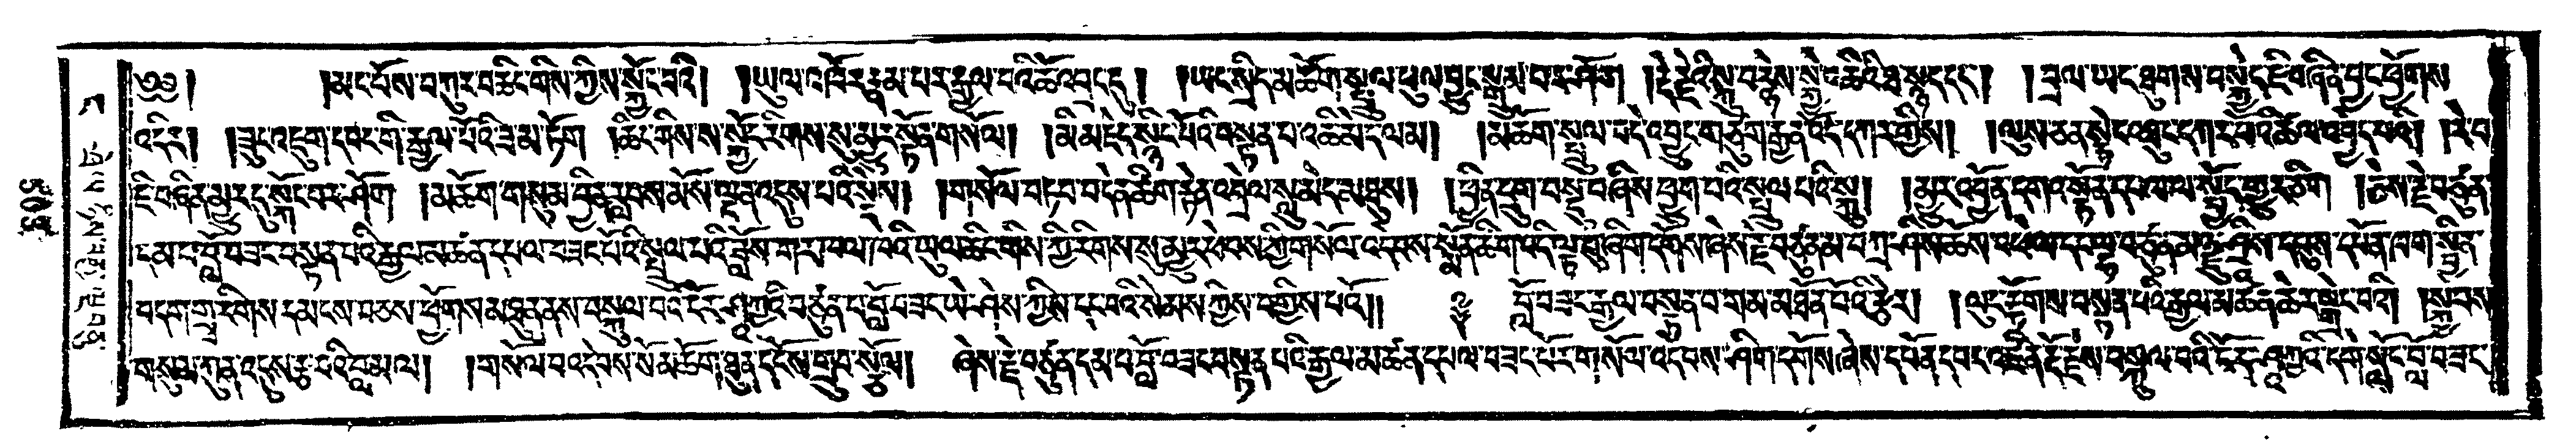༄༅། །མང་པོས་བཀུར་བྖིང་གིས་ཀྱིས་སྐྱོང་བའི། །ཡུལ་འཁོར་རྣམ་པར་རྒྱལ་བའི་ཆོ་འབྲང་དུ། །ཡང་སྲིད་མཆོག་སྤྲུལ་ཕུལ་བྱུང་སྒྲུམ་པར་ཤོག །རྡོ་རྗེའི་སྐུ་བརྙེས་སྐྱེ་འཆིའི་ཐ་སྙད་དང་། །བྲལ་ཡང་ཐུགས་བསྐྱེད་ཇི་བཞིན་བྱང་ཕྱོགས་
འདིར། །ཟུང་འཇུག་དབང་གི་རྒྱལ་པོའི་ཟ་མ་ཏོག །ཆིང་གིས་ས་སྐྱོང་རིགས་སུ་མྱུར་སྟོན་གསོལ། །མེ་མཇེད་སྙིང་པོའི་བསྟན་པ་འཆི་མེད་ལམ། །མཆོག་སྤྲུལ་བདེ་འབྱུང་གཙུག་རྒྱན་འོད་དཀར་གྱིས། །ལུས་ཅན་སྟེང་འཐུང་དཀར་པོའི་ཚིལ་འབྱེད་པའི། །རེ་བ་
ཇི་བཞིན་མྱུར་དུ་སྐོང་བར་ཤོག །མཆོག་གསུམ་བྱིན་རླབས་མོས་ལྡན་འདུས་པའི་སྡེས། །གསོལ་བཏབ་བདེན་ཚིག་རྟེན་འབྲེལ་སླུ་མེད་མཐུས། །ཕྱིན་དྲུག་བསྡུ་བཞིས་ཕྱུག་པའི་སྤྲུལ་པའི་སྐུ། །མྱུར་འབྱོན་དགའ་སྟོན་དཔལ་ལ་སྤྱོད་གྱུར་ཅིག །ཅེས་རྗེ་བཙུན་
དམ་པ་བློ་བཟང་བསྟན་པའི་རྒྱལ་མཚན་དཔལ་བཟང་པོའི་སྤྲུལ་པའི་ཟློས་གར་ཁལ་ཁའི་ཡུལ་ཆིང་གིས་ཀྱི་རིགས་སུ་མྱུར་ཕེབས་ཀྱི་གསོལ་འདེབས་སྨོན་ཚིག་འདི་ལྟ་བུ་ཞིག་དགོས་ཞེས་རྗེ་བཙུན་མ་བཀྲ་ཤིས་ཆོས་འཕེལ་དང་ལྷ་བཙུན་མཉྫུ་ཤྲཱིས་དབུས་དཔོན་ཁག་སྦྱིན་
བདག་གྲྭ་རིགས་དམངས་བཅས་ཕྱོགས་མཐུན་ནས་བསྐུལ་བའི་ངོར་ཤཱཀྱའི་བཙུན་པ་བློ་བཟང་ཡེ་ཤེས་ཀྱིས་དང་བའི་སེམས་ཀྱིས་བགྱིས་པའོ། །༈ བློ་བཟང་རྒྱལ་བསྟན་པ་གམ་མཐོན་པོའི་རྩེར། །ལུང་རྟོགས་བསྟན་པའི་རྒྱལ་མཚན་ཆེར་སྒྲེང་བའི། །སྐྱབས་
གསུམ་ཀུན་འདུས་རྩ་བའི་བླ་མ་ལ། །གསོལ་བ་འདེབས་སོ་མཆྒོ་ཐུན་དངོས་གྲུབ་སྩོལ། །ཞེས་རྗེ་བཙུན་དམ་པ་བློ་བཟང་བསྟན་པའི་རྒྱལ་མཚན་དཔལ་བཟང་པོར་གསོལ་འདེབས་ཤིག་དགོས་ཞེས་དཔོན་དབང་འཛིན་རྡོ་རྗེས་བསྐུལ་བའི་ངོད་ཤཱཀྱའི་དགེ་སློང་བློ་བཟང་